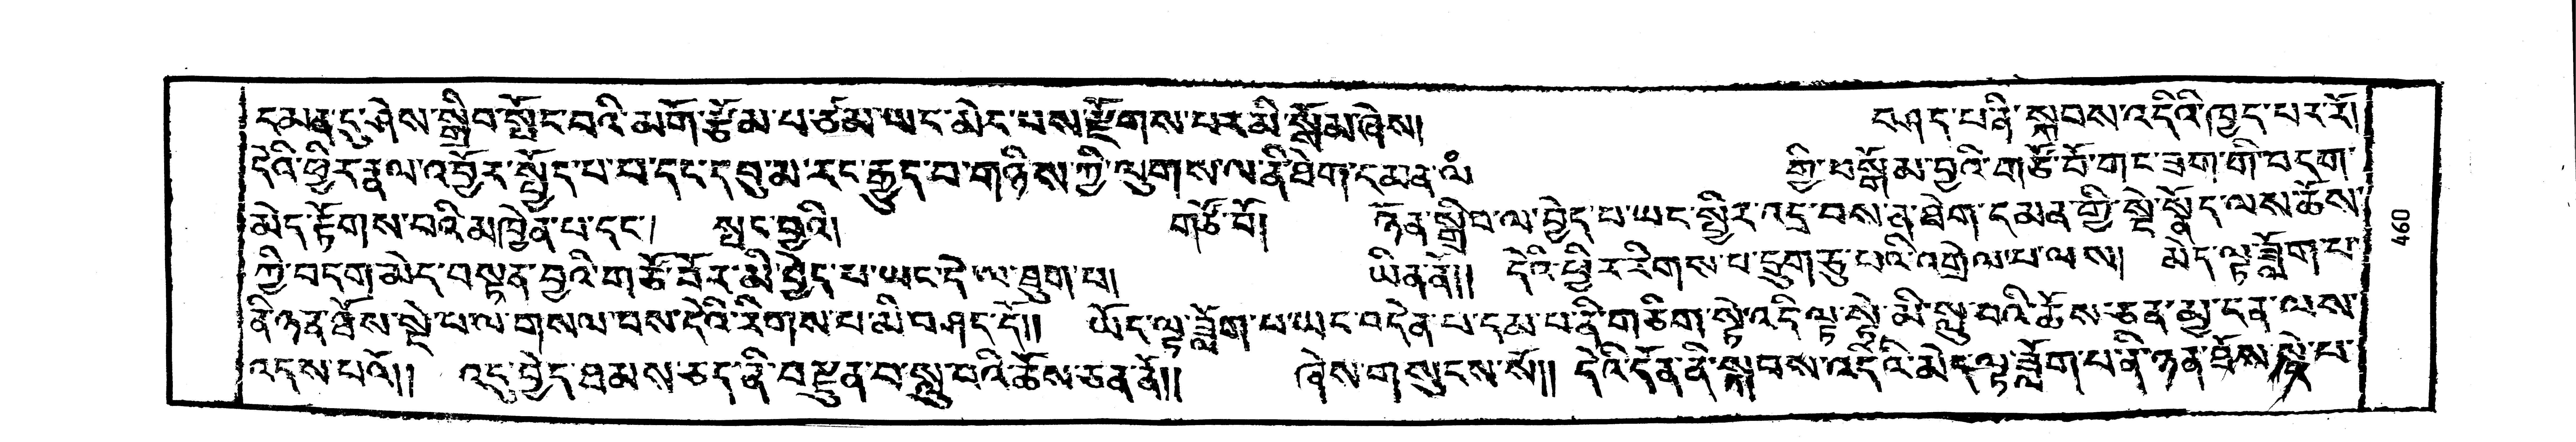དམན་དུ་ཤེས་སྒྲིབ་སྤོང་བའི་མགོ་རྩོམ་པ་ཙམ་ཡང་མེད་པས་རྫོགས་པར་མི་སྒོམ་ཞེས། བཤད་པ་ནི་སྐབས་འདིའི་ཁྱད་པར་རོ།
དེའི་ཕྱིར་རྣལ་འབྱོར་སྤྱོད་པ་པ་དང་དབུ་མ་རང་རྒྱུད་བ་གཉིས་ཀྱི་ལུགས་ལ་ནི་ཐེག་དམན་ལམ་གྱི་བསྒོམ་བྱའི་གཙོ་བོ་གང་ཟག་གི་བདག་
མེད་རྟོགས་པའི་མཁྱེན་པ་དང་། སྤང་བྱའི། གཙོ་བོ། ཉོན་སྒྲིབ་ལ་བྱེད་པ་ཡང་སྤྱིར་འདྲ་བས་ན་ཐེག་དམན་གྱི་སྡེ་སྣོད་ལས་ཆོས་
ཀྱི་བདག་མེད་བསྟན་བྱའི་གཙོ་བོར་མི་བྱེད་པ་ཡང་དེ་ལ་ཐུག་པ། ཡིན་ནོ། །དེའི་ཕྱིར་རིགས་པ་དྲུག་ཅུ་པའི་འགྲེལ་པ་ལས། མེད་ལྟ་ཟློག་པ་
ནི་ཉན་ཐོས་སྡེ་པ་ལ་གསལ་བས་དེའི་རིགས་པ་མི་བཤད་དོ། །ཡོང་ལྟ་ཟློག་པ་ཡང་བདེན་པ་དམ་པ་ནི་གཅིག་སྟེ་འདི་ལྟ་སྟེ་མི་སླུ་བའི་ཆོས་ཅན་མྱ་ངན་ལས་
འདས་པའོ། །འདུ་བྱེད་ཐམས་ཅད་ནི་བརྫུན་པ་སླུ་བའི་ཆོས་ཅན་ནོ། །ཞེས་གསུངས་སོ། །དེའི་དོན་ནི་སྐབས་འདིའི་མེད་ལྟ་ཟློག་པ་ནི་ཉན་ཐོས་སྡེ་པ་